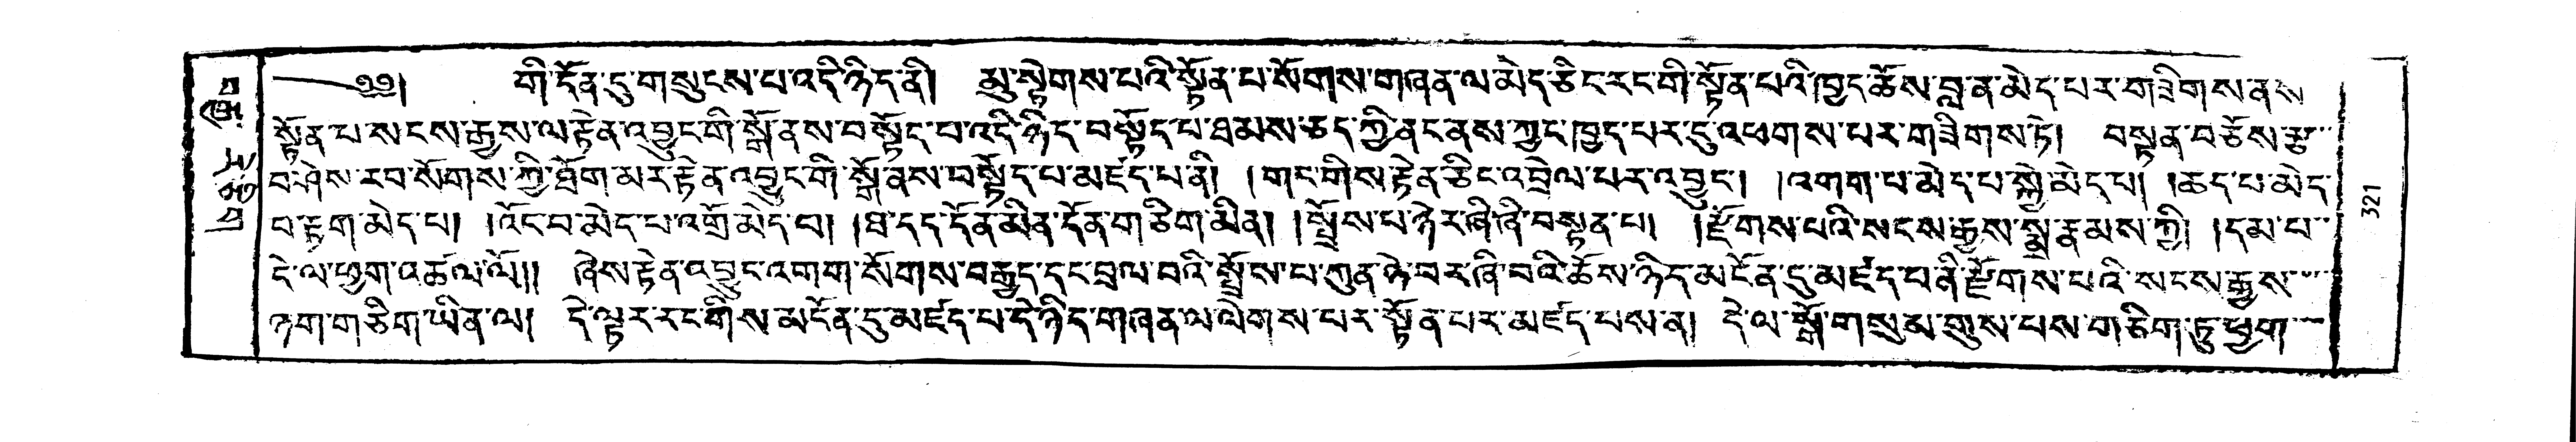༄༅། །གི་དོན་དུ་གསུངས་པ་འདི་ཉིད་ནི། མུ་སྟེགས་པའི་སྟོན་པ་སོགས་གཞན་ལ་མེད་ཅིང་རང་གི་སྟོན་པའི་ཁྱད་ཆོས་བླ་ན་མེད་པར་གཟིགས་ནས་
སྟོན་པ་སངས་རྒྱས་ལ་རྟེན་འབྱུང་གི་སྒོ་ནས་བསྟོད་པ་འདི་ཉིད་བསྟོད་པ་ཐམས་ཅད་ཀྱི་ནང་ནས་ཀྱང་ཁྱད་པར་དུ་འཕགས་པར་གཟིགས་ཏེ། བསྟན་བཅོས་རྩ་
བ་ཤེས་རབ་སོགས་ཀྱི་ཐོག་མར་རྟེན་འབྱུང་གི་སྒོ་ནས་བསྟོད་པ་མཛད་པ་ནི། །གང་གིས་རྟེན་ཅིང་འབྲེལ་པར་འབྱུང་། །འགག་པ་མེད་པ་སྐྱེ་མེད་པ། །ཆད་པ་མེད་
པ་རྟག་མེད་པ། །འོང་བ་མེད་པ་འགྲོ་མེད་པ། །ཐ་དད་དོན་མིན་དོན་གཅིག་མིན། །སྤྲོས་པ་ཉེར་ཞི་ཞི་བསྟན་པ། །རྫོགས་པའི་སངས་རྒྱས་སྨྲ་རྣམས་ཀྱི། །དམ་པ་
དེ་ལ་ཕྱག་འཚལ་ལོ། །ཞེས་རྟེན་འབྱུང་འགག་སོགས་བརྒྱད་དང་བྲལ་བའི་སྤྲོས་པ་ཀུན་ཉེ་བར་ཞི་བའི་ཆོས་ཉིད་མངོན་དུ་མཛད་པ་ནི་རྫོགས་པའི་སངས་རྒྱས་
ཉག་གཅིག་ཡིན་ལ། དེ་ལྟར་རང་གིས་མངོན་དུ་མཛད་པ་དེ་ཉིད་གཞན་ལ་ལེགས་པར་སྟོན་པར་མཛད་པས་ན། དེ་ལ་སྒོ་གསུམ་གུས་པས་གཅིག་ཏུ་ཕྱག་